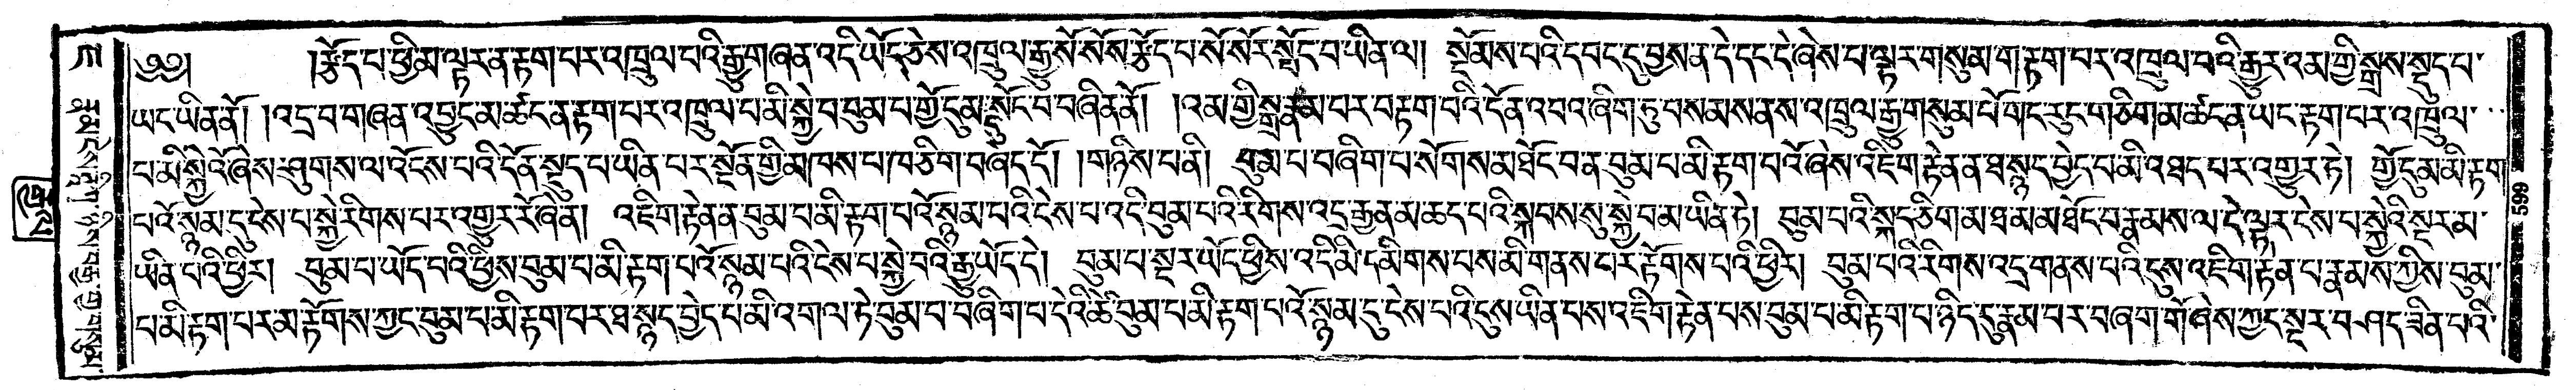༄༅། །རྩོད་པ་ཕྱི་མ་ལྟར་ན་རྟག་པར་འཁྲུལ་པའི་རྒྱུ་གཞན་འདི་ཡོད་ཅེས་འཁྲུལ་རྒྱུ་སོ་སོས་རྩོད་པ་སོ་སོར་སྤོང་བ་ཡིན་ལ། སྡོམས་པའི་དབང་དུ་བྱས་ན་དེ་དང་དེ་ཞེས་པ་ལྟར་གསུམ་ག་རྟག་པར་འཁྲུལ་བའི་རྒྱུར་འམ་གྱི་སྒྲས་སྡུད་པ་
ཡང་ཡིན་ནོ། །འདྲ་བ་གཞན་འབྱུང་མ་ཚང་ན་རྟག་པར་འཁྲུལ་པ་མི་སྐྱེ་བ་བུམ་པ་གྱོ་དུམ་དུ་སོང་བ་བཞིན་ནོ། །འམ་གྱི་སྒྲ་རྣམ་པར་བརྟག་པའི་དོན་འབའ་ཞིག་ཏུ་བསམས་ནས་འཁྲུལ་རྒྱུ་གསུམ་པོ་གང་རུང་གཅིག་མ་ཚང་ན་ཡང་རྟག་པར་འཁྲུལ་
པ་མི་སྐྱེའོ་ཞེས་ཤུགས་ལ་འོངས་པའི་དོན་སྡུད་པ་ཡིན་པར་སྔོན་གྱི་མཁས་པ་ཁ་ཅིག་བཞེད་དོ། །གཉིས་པ་ནི། བུམ་པ་བཞིག་པ་སོགས་མཐོང་བ་ན་བུམ་པ་མི་རྟག་པའོ་ཞེས་འཇིག་རྟེན་ན་ཐ་སྙད་བྱེད་པ་མི་འཐད་པར་འགྱུར་ཏེ། གྱོ་དུ་མ་མི་རྟག་
པའོ་སྙམ་དུ་ངེས་པ་སྐྱེ་རིགས་པར་འགྱུར་རོ་ཞེ་ན། འཇིག་རྟེན་ན་བུམ་པ་མི་རྟག་པའོ་སྙམ་པའི་ངེས་པ་འདི་བུམ་པའི་རིགས་འདྲ་རྒྱན་མ་ཆད་པའི་སྐབས་སུ་སྐྱེ་བ་མ་ཡིན་ཏེ། བུམ་པའི་སྐད་ཅིག་མ་ཐ་མ་མཐོང་བ་རྣམས་ལ་དེ་ལྟར་ངེས་པ་སྐྱེའི་སྔར་མ་
ཡིན་པའི་ཕྱིར། བུམ་པ་ཡོད་པའི་ཕྱིས་བུམ་པ་མི་རྟག་པའོ་སྙམ་པའི་ངེས་པ་སྐྱེ་བའི་རྒྱུ་ཡོད་དེ། བུམ་པ་སྔར་ཡོད་ཕྱིས་འདི་མི་དམིགས་པས་མི་གནས་པར་རྟོགས་པའི་ཕྱིར། བུམ་པའི་རིགས་འདྲ་གནས་པའི་དུས་འཇིག་རྟེན་པ་རྣམས་ཀྱིས་བུམ་
པ་མི་རྟག་པར་མ་རྟོགས་ཀྱང་བུམ་པ་མི་རྟག་པར་ཐ་སྙད་བྱེད་པ་མི་འགལ་ཏེ་བུམ་པ་བཞིག་པ་དེའི་ཚེ་བུམ་པ་མི་རྟག་པའོ་སྙམ་དུ་ངེས་པའི་དུས་ཡིན་པས་འཇིག་རྟེན་པས་བུམ་པ་མི་རྟག་པ་ཉིད་དུ་རྣམ་པར་བཞག་གོ་ཞེས་ཀྱང་སྔར་བཤད་ཟིན་པའི་